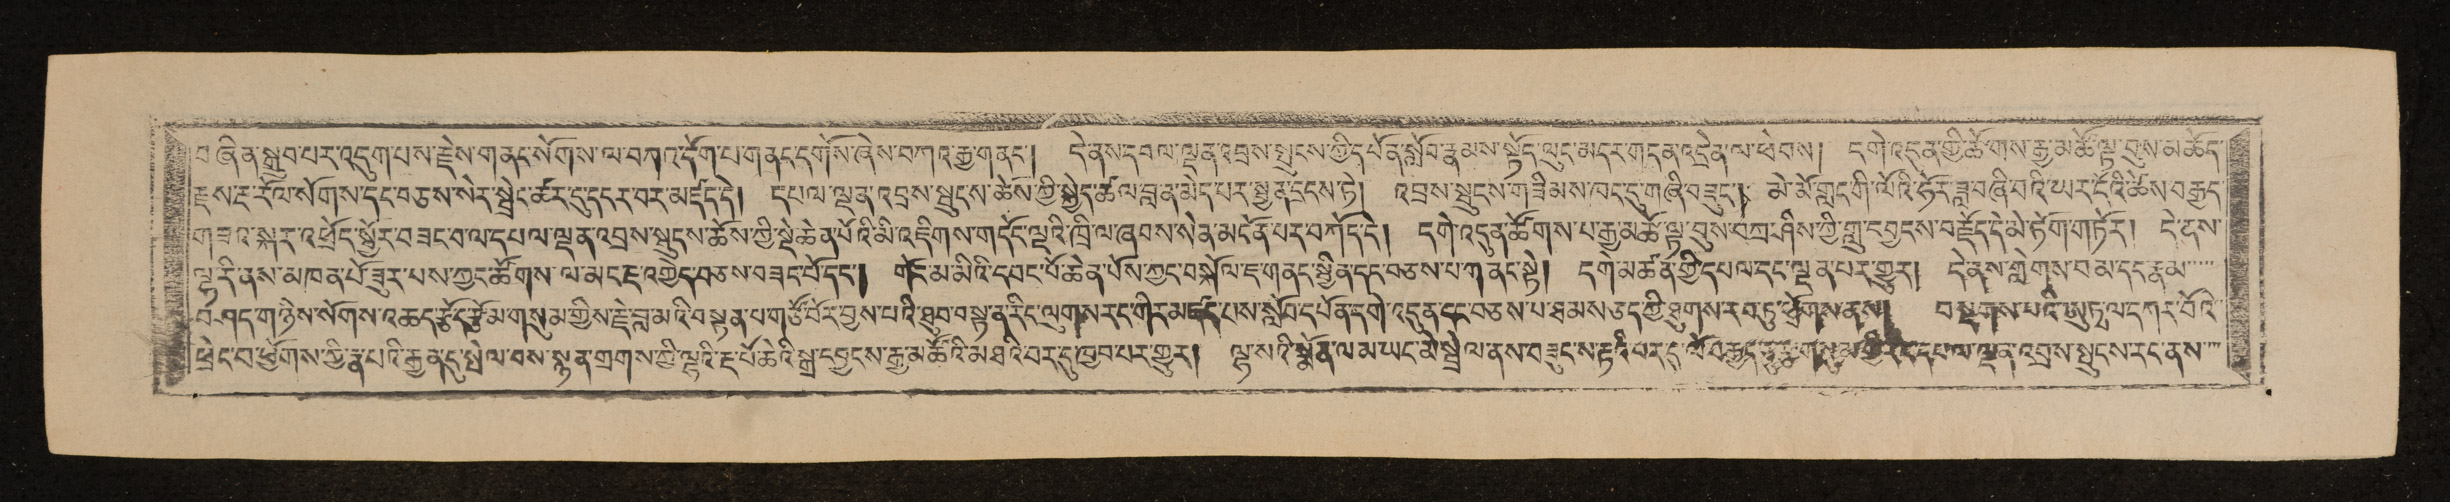བཞིན་སྒྲུབ་པར་འདུག་པས་རྗེས་གནང་སོགས་ལ་བཀའ་དོག་པ་གནང་དགོས་ཞེས་བཀའ་རྒྱ་གནང་། དེ་ནས་དཔལ་ལྡན་འབྲས་སྤུངས་ཀྱི་དཔོན་སློབ་རྣམས་སྟོད་ལུང་མདར་གདན་འདྲེན་ལ་ཕེབས། དགེ་འདུན་གྱི་ཚོགས་རྒྱ་མཚོ་ལྟ་བུས་མཆོད་
རྫས་རྔ་རོལ་སོགས་དང་བཅས་སེར་སྦྲེང་ཚར་དུ་དངར་བར་མཛད་དེ། དཔལ་ལྡན་འབྲས་སྤུངས་ཆོས་ཀྱི་སྐྱེད་ཚལ་བླ་ན་མེད་པར་སྤྱན་དྲངས་ཏེ། འབྲས་སྤུངས་གཟིམས་ཁང་དུ་གཞི་བཟུང་། མེ་མོ་གླང་གི་ལོའི་ཧོར་ཟླ་བཞི་པའི་ཡར་ངོའི་ཚེས་བརྒྱད་
གཟའ་སྐར་འཕྲོད་སྦྱོར་བཟང་བ་ལ་དཔལ་ལྡན་འབྲས་སྤུངས་ཆོས་ཀྱི་སྡེ་ཆེན་པོའི་མི་འཇིགས་གདོང་ལྔའི་ཁྲི་ལ་ཞབས་སེན་མངོན་པར་བཀོད་དེ། དགེ་འདུན་ཚོགས་པ་རྒྱ་མཚོ་ལྟ་བུས་བཀྲ་ཤིས་ཀྱི་གླུ་དབྱངས་བརྗོད་དེ་མེ་ཏོག་གཏོར། དེ་ནས་
ལྷ་རི་ནས་མཁན་པོ་ཟུར་པས་ཀྱང་ཚོགས་ལ་མང་ཇ་འགྱེད་བཅས་བཟང་པོ་དང་། གོང་མ་མིའི་དབང་པོ་ཆེན་པོས་ཀྱང་བསྐོལ་ཇ་གནང་སྦྱིན་དང་བཅས་པ་གནང་སྟེ། དགེ་མཚན་གྱི་དཔལ་དང་ལྡན་པར་གྱུར། དེ་ནས་གླེགས་བམ་དང་རྣམ་
བཤད་གཉིས་སོགས་འཆད་རྩོད་རྩོམ་གསུམ་གྱིས་རྗེ་བླ་མའི་བསྟན་པ་གཙོ་བོར་བྱས་པའི་ཐུབ་བསྟན་རིང་ལུགས་རང་གིར་མཛད་པས་སློབ་དཔོན་དགེ་འདུན་དང་བཅས་པ་ཐམས་ཅད་ཀྱི་ཐུགས་རབ་ཏུ་ཕྲོགས་ནས། བསྔགས་པའི་ཨུཏྤལ་དཀར་པོའི་
ཕྲེང་བ་ཕྱོགས་ཀྱི་རྣ་བའི་རྒྱན་དུ་སྤེལ་བས་སྙན་གྲགས་ཀྱི་ལྷའི་རྔ་བོ་ཆེའི་སྒྲ་དབྱངས་རྒྱ་མཚོའི་མཐའི་བར་དུ་ཁྱབ་པར་གྱུར། ལྷ་སའི་སྨོན་ལམ་ཡང་མེ་སྤྲེལ་ནས་བཟུངས་རྟའི་བར་དུ་ལོ་བརྒྱད་ཅུ་རྩ་གསུམ་གྱི་རིང་དཔལ་ལྡན་འབྲས་སྤུངས་རང་ནས་